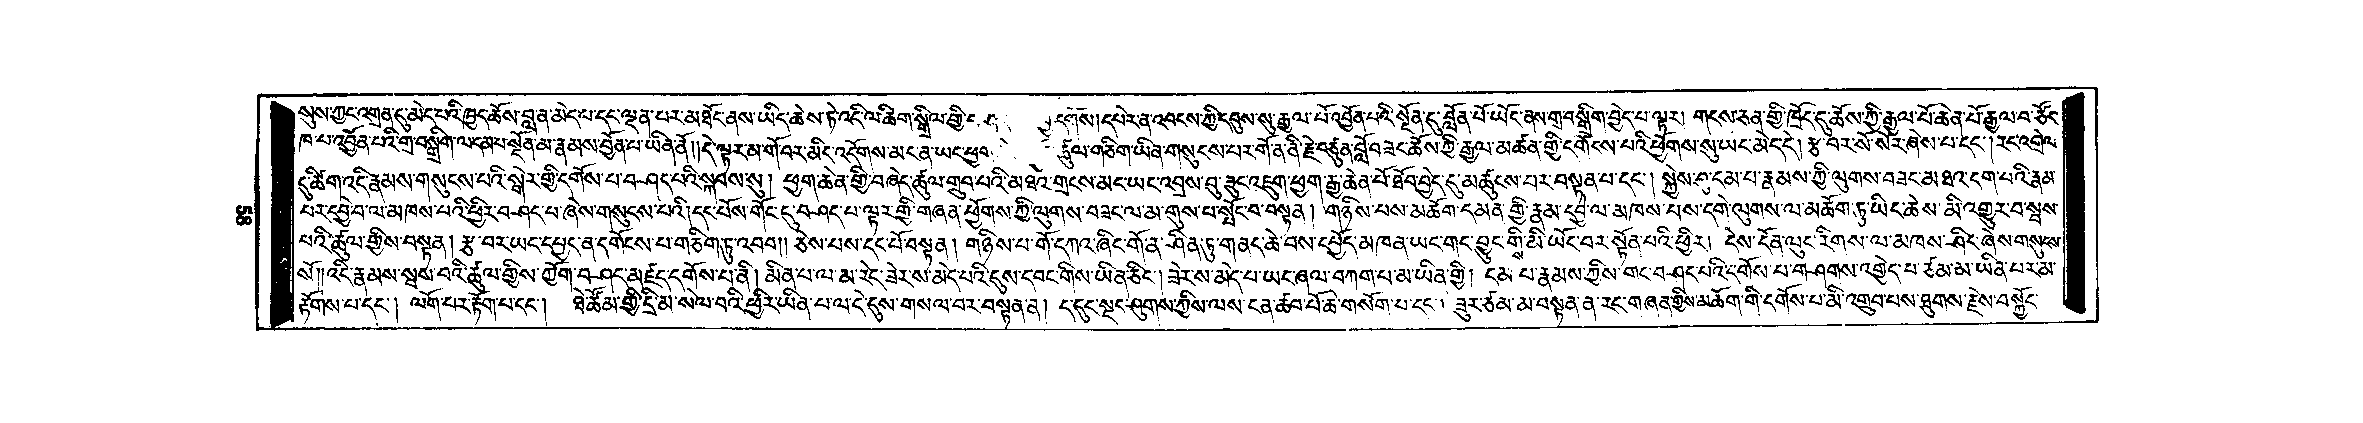སུས་ཀྱང་འགྲན་དུ་མེད་པའི་ཁྱད་ཆོས་བླ་ན་མེད་པ་དང་ལྡན་པར་མཐོང་ནས་ཡིད་ཆེས་ཏེ་འདི་ལ་ཚིག་སྒྲིལ་གྱི་བཤད་སྒྲུབ་བྱ་དགོས། དཔེར་ན་འབངས་ཀྱི་དབུས་སུ་རྒྱལ་པོ་འབྱོན་པའི་སྔོན་དུ་བློན་པོ་ཡོང་ནས་གྲ་བསྒྲིག་བྱེད་པ་ལྟར། གངས་ཅན་གྱི་ཁྲོད་དུ་ཆོས་ཀྱི་རྒྱལ་པོ་ཆེན་པོ་རྒྱལ་བ་ཙོང་
ཁ་པ་འབྱོན་པའི་གྲ་བསྒྲིག་ལ་དམ་པ་སྔོན་མ་རྣམས་བྱོན་པ་ཡིན་ནོ། །དེ་ལྟར་མ་གོ་བར་མིང་འདོགས་མང་ན་ཡང་ཕྱག་ཆེན་སྐྱོང་ཚུལ་གཅིག་ཡིན་གསུངས་པར་གོ་ན་ནི་རྗེ་བཙུན་བློ་བཟང་ཆོས་ཀྱི་རྒྱལ་མཚན་གྱི་དགོངས་པའི་ཕྱོགས་སུ་ཡང་མེད་དེ། རྩ་བར་སོ་སོར་ཞེས་པ་དང་། རང་འགྲེལ་
དུ་ཚིག་འདི་རྣམས་གསུངས་པའི་སྒེར་གྱི་དགོས་པ་བཤད་པའི་སྐབས་སུ། ཕྱག་ཆེན་གྱི་བཞེད་ཚུལ་གྲུབ་པའི་མཐའ་གྲངས་མང་ཡང་འབྲས་བུ་ཟུང་འཇུག་ཕྱག་རྒྱ་ཆེན་པོ་ཐོབ་བྱེད་དུ་མཚུངས་པར་བསྟན་པ་དང་། སྐྱེས་བུ་དམ་པ་རྣམས་ཀྱི་ལུགས་བཟང་མཐའ་དག་པའི་རྣམ་
པར་དབྱེ་བ་ལ་མཁས་པའི་ཕྱིར་བཤད་པ་ཞེས་གསུངས་པའི། དང་པོས་གོང་དུ་བཤད་པ་ལྟར་གྱི་གཞན་ཕྱོགས་ཀྱི་ལུགས་བཟང་ལ་མ་གུས་པ་སྤོང་བ་བསྟན། གཉིས་པས་མཆོག་དམན་གྱི་རྣམ་དབྱེ་ལ་མཁས་པས་དགེ་ལུགས་ལ་མཆོག་ཏུ་ཡིད་ཆེས་མི་འགྱུར་བ་སྦས་
པའི་ཚུལ་གྱིས་བསྟན། རྩ་བར་ཡང་དཔྱད་ན་དགོངས་པ་གཅིག་ཏུ་འབབ། །ཅེས་པས་དང་པོ་བསྟན། གཉིས་པ་གོ་དཀའ་ཞིང་གོ་ན་ཤིན་ཏུ་གནད་ཆེ་བས་དཔྱོད་མཁན་ཡང་གང་བྱུང་གིས་མི་ཡོང་བར་སྟོན་པའི་ཕྱིར། དེས་དོན་ལུང་རིགས་ལ་མཁས་ཤིང་ཞེས་གསུངས་
སོ། །འདི་རྣམས་སྦས་བའི་ཚུལ་གྱིས་ཀྱོག་བཤད་མཛད་དགོས་པ་ནི། མིན་པ་ལ་མ་རེད་ཟེར་ས་མེད་པའི་དུས་དབང་གིས་ཡིན་ཅིང་། ཟེར་ས་མེད་པ་ཡང་ཞལ་བཀག་པ་མ་ཡིན་གྱི། དམ་པ་རྣམས་ཀྱིས་གང་བཤད་པའི་དགོས་པ་གཤགས་འགྱེད་པ་ཙམ་མ་ཡིན་པར་མ་
རྟོགས་པ་དང་། ལོག་པར་རྟོག་པ་དང་། ཐེ་ཚོམ་གྱི་དྲི་མ་སེལ་བའི་ཕྱིར་ཡིན་པ་ལ་དེ་དུས་གསལ་བར་བསྟན་ན། ད་དུང་སྡང་ཤུགས་ཀྱིས་ལས་ངན་ཚབ་པོ་ཆེ་གསོག་པ་དང་། ཟུར་ཙམ་མ་བསྟན་ན་རང་གཞན་གྱིས་མཆོག་གི་དགོས་པ་མི་འགྲུབ་པས་ཐུགས་རྗེས་བསྐྱོད་